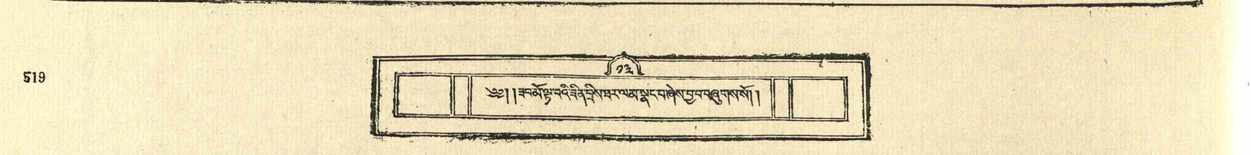༄༅། །ཟབ་མོ་ལྟ་བའི་ཟིན་བྲིས་ཐར་ལམ་སྣང་བ་ཞེས་བྱ་བ་བཞུགས་སོ། །